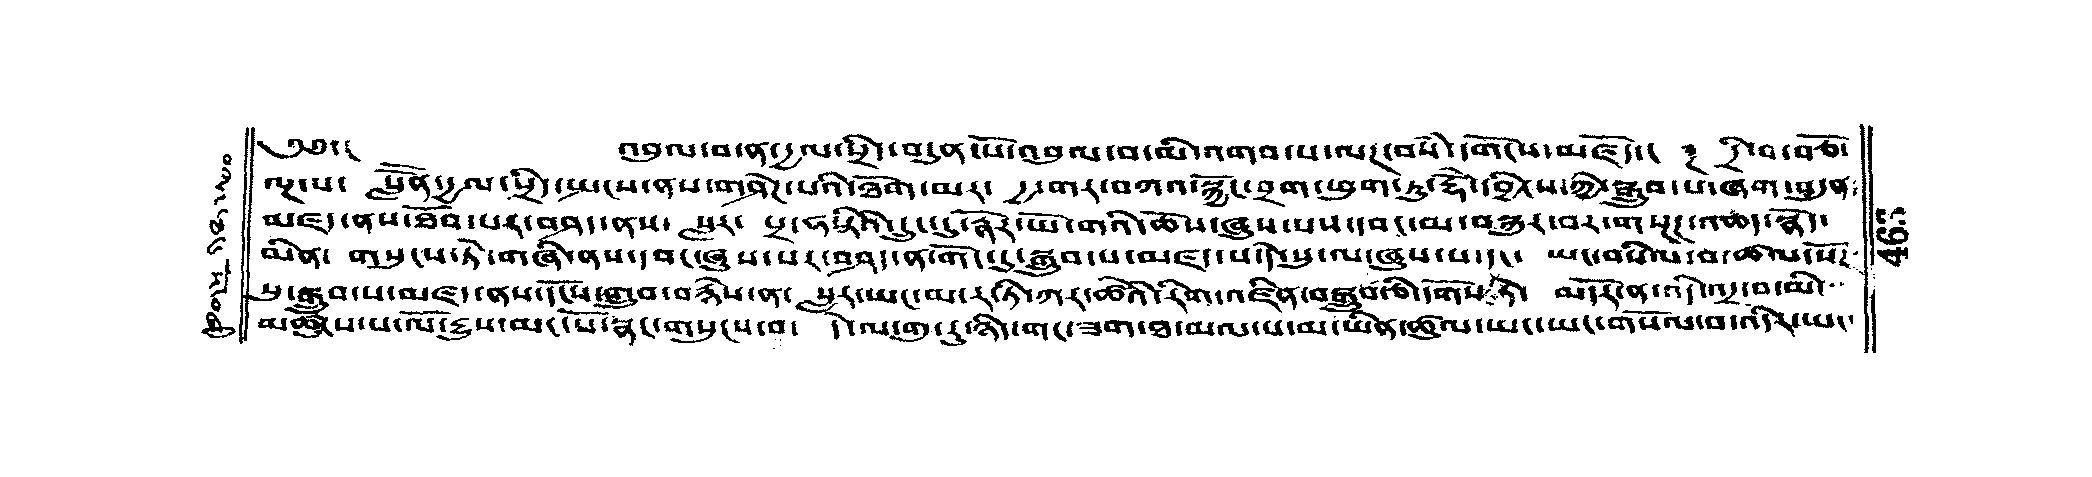འབུལ་བ་ན་རྒྱལ་སྲིད་བདུན་པོ་འབུལ་བ་མི་འགབ་པ་ལགས་བསམ་དགོངས་མཛོད། ༈ དྲི་བ་བཅོ་
ལྔ་པ། སློབ་དཔོན་རྒྱལ་སྲིད་སྤངས་ནས་གཤེགས་པའི་ཐོག་མར། རྒྱ་གར་བཀའ་སྐྱོང་བྲག་ཕུག་ཏུ་རྡོ་རྗེ་དབྱིངས་ཀྱི་སྒྲུབ་པ་ཞག་བདུན་
མཛད་ནས་ཐོབ་པར་བཤད་ནས། སླར། པྲ་ཧསྟིའི་དྲུང་དུ་རྣལ་འབྱོར་ཡོ་གའི་ཆོས་ཞུས་པས། དབང་མ་བསྐུར་བར་གསང་སྔགས་འཆད་སྣོད་
མིན། གསུངས་ཏེ་གཞི་ནས་དབང་ཞུས་པར་བཤད་ན་གོང་དུ་སྒྲུབ་པ་མཛད་པ་དེ་སུ་ལ་ཞུས་པ་དང་། ཡང་བསིལ་བ་ཚལ་སོགས་
སུ་སྒྲུབ་པ་མཛད་ནས་དངོས་གྲུབ་བརྙེས་ན། སླར་ཡང་མ་ར་ཏི་ཀར་ཚེའི་རིག་འཛིན་བསྒྲུབ་ཅི་དགོས་ཏེ། མདོར་ན་འདི་འདྲ་བ་མི་
མཚུངས་པ་ལོ་རྒྱུས་མང་པོ་སྣང་གསུངས་བ་དེ་ལ་གུ་རུ་ཉིད་གང་ཟག་ཐ་མལ་པ་མ་ཡིན་ཚུལ་ཡང་ཡང་གསོལ་བ་འདིར་ཡང་